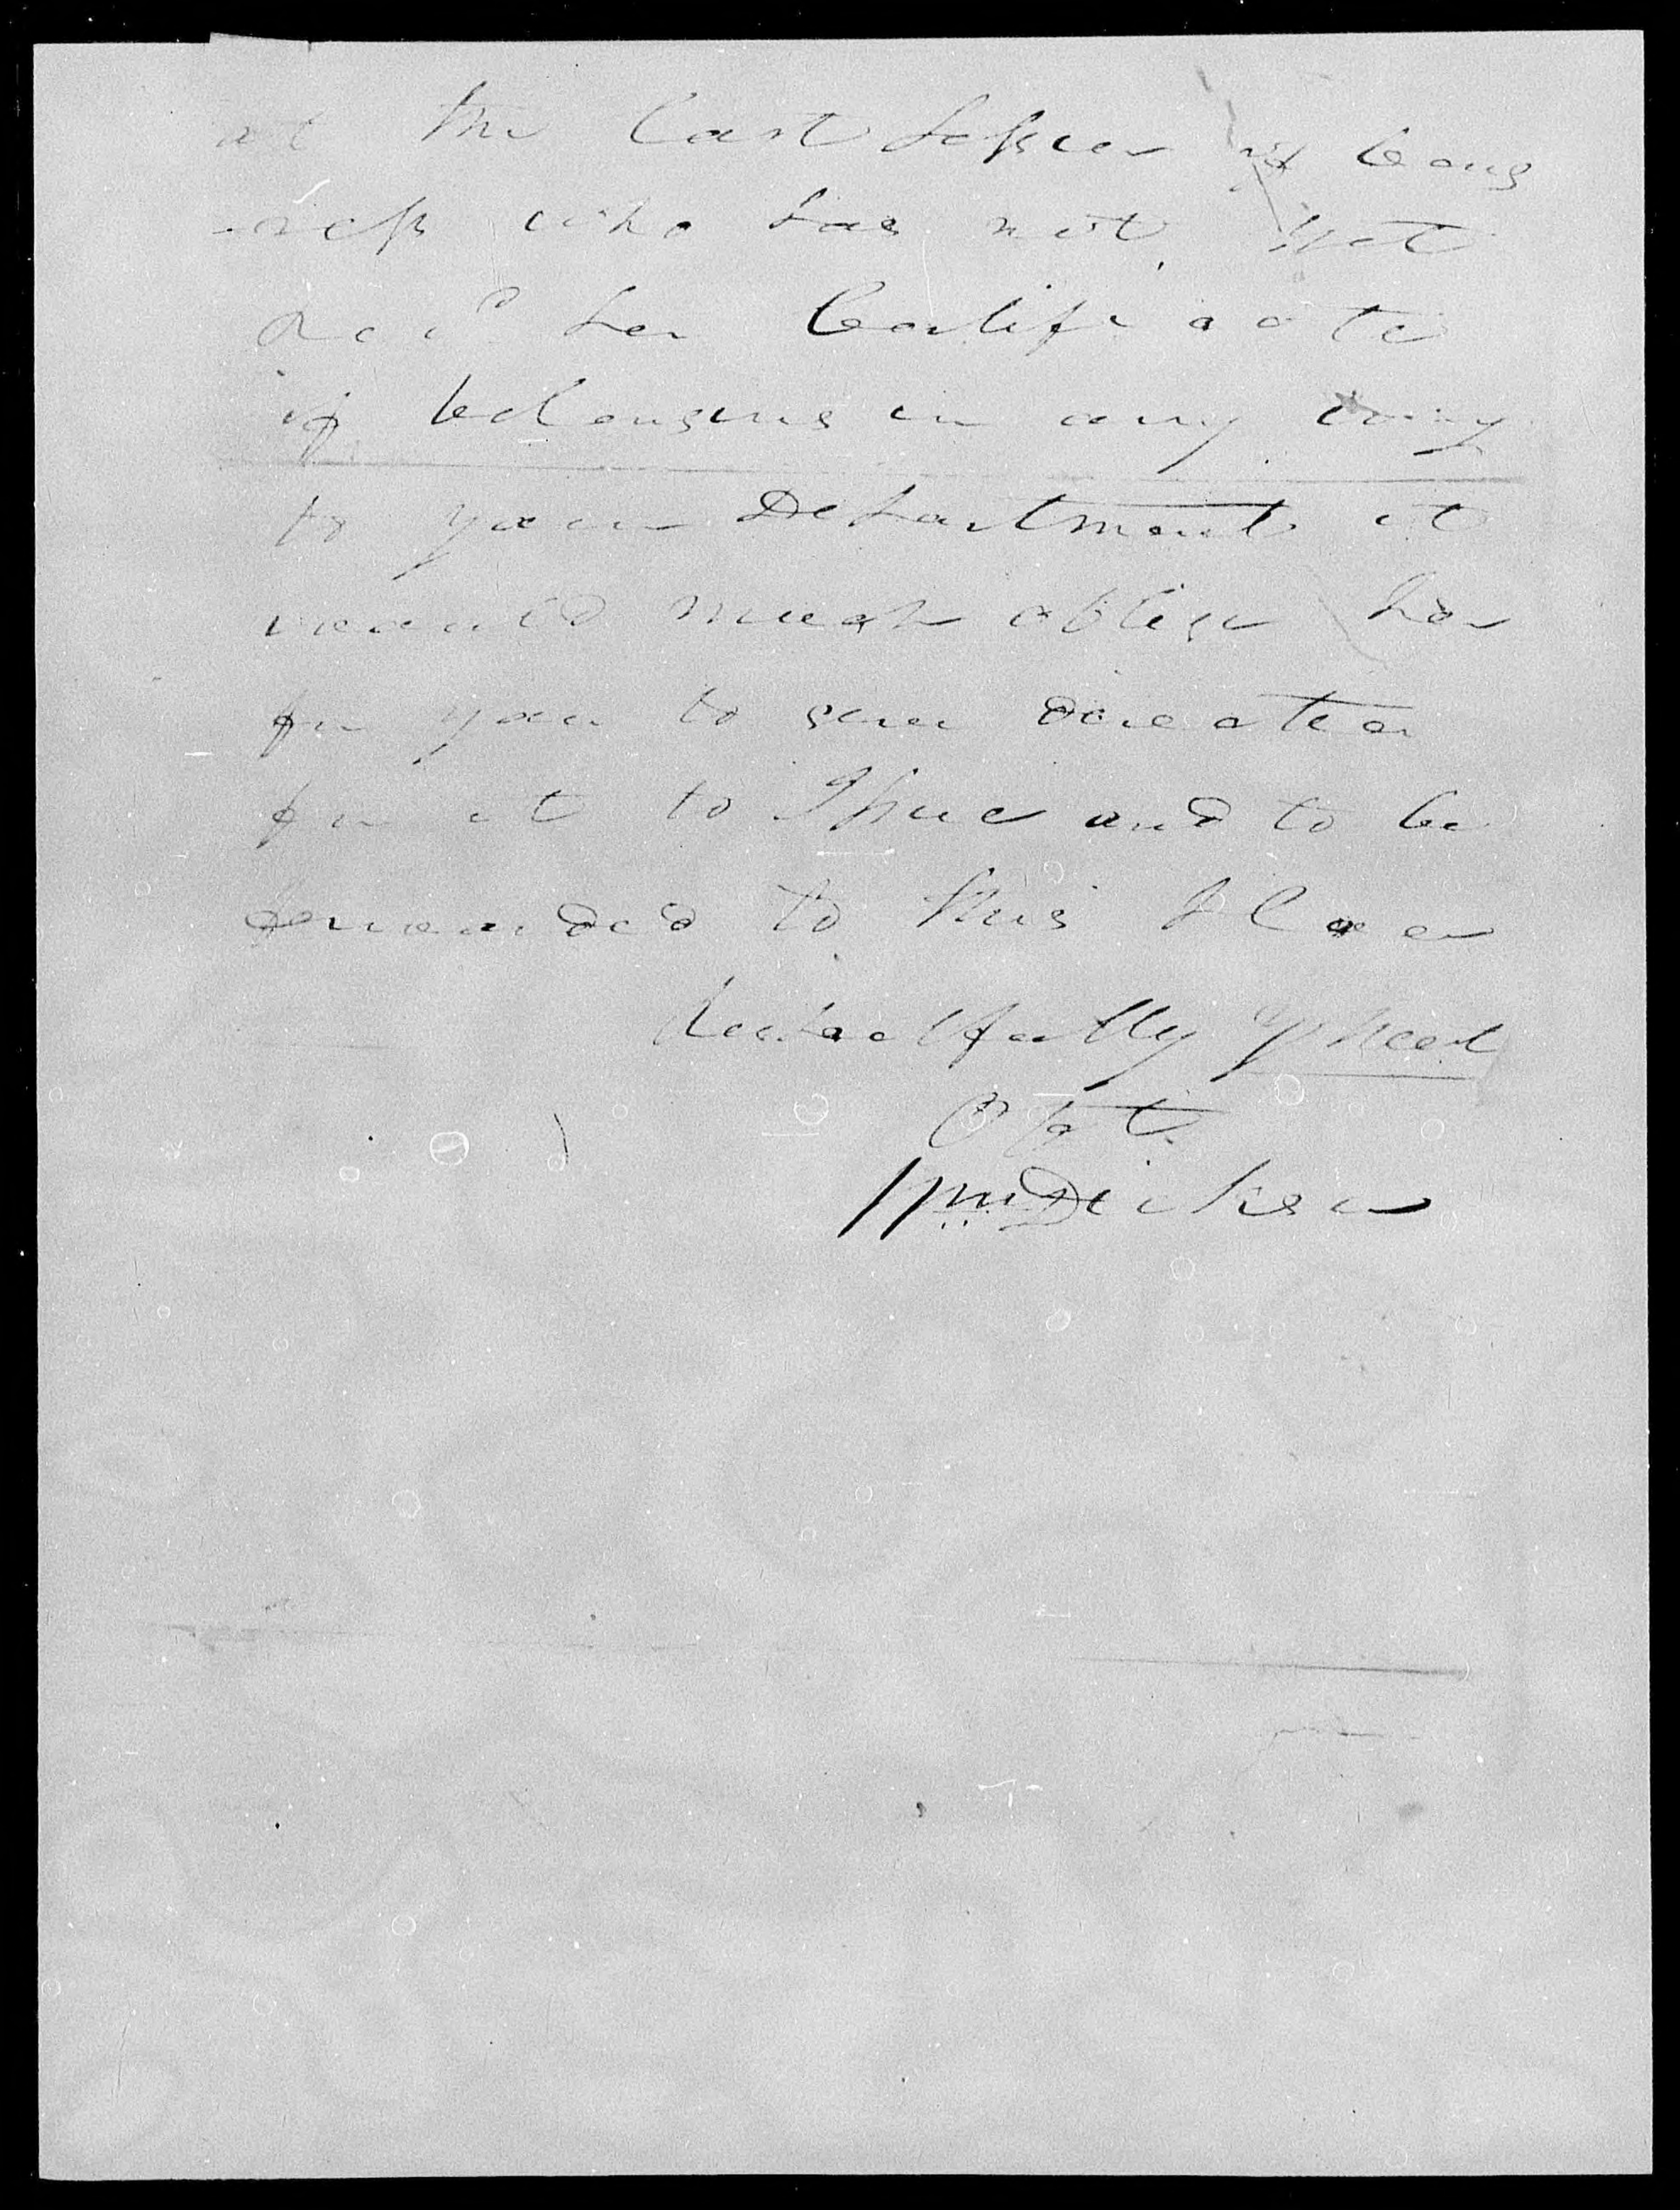at the last [illegible] who has not yet recd her Certificate if belonging in any way to your Department it would much oblige her for you to [illegible] for it to there and to be forwarded to this place
respectfully [illegible]
Wm Dickson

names: Wm Dickson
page: 7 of 115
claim: survivor's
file: S. 699, for Charles Kilgore, Virginia